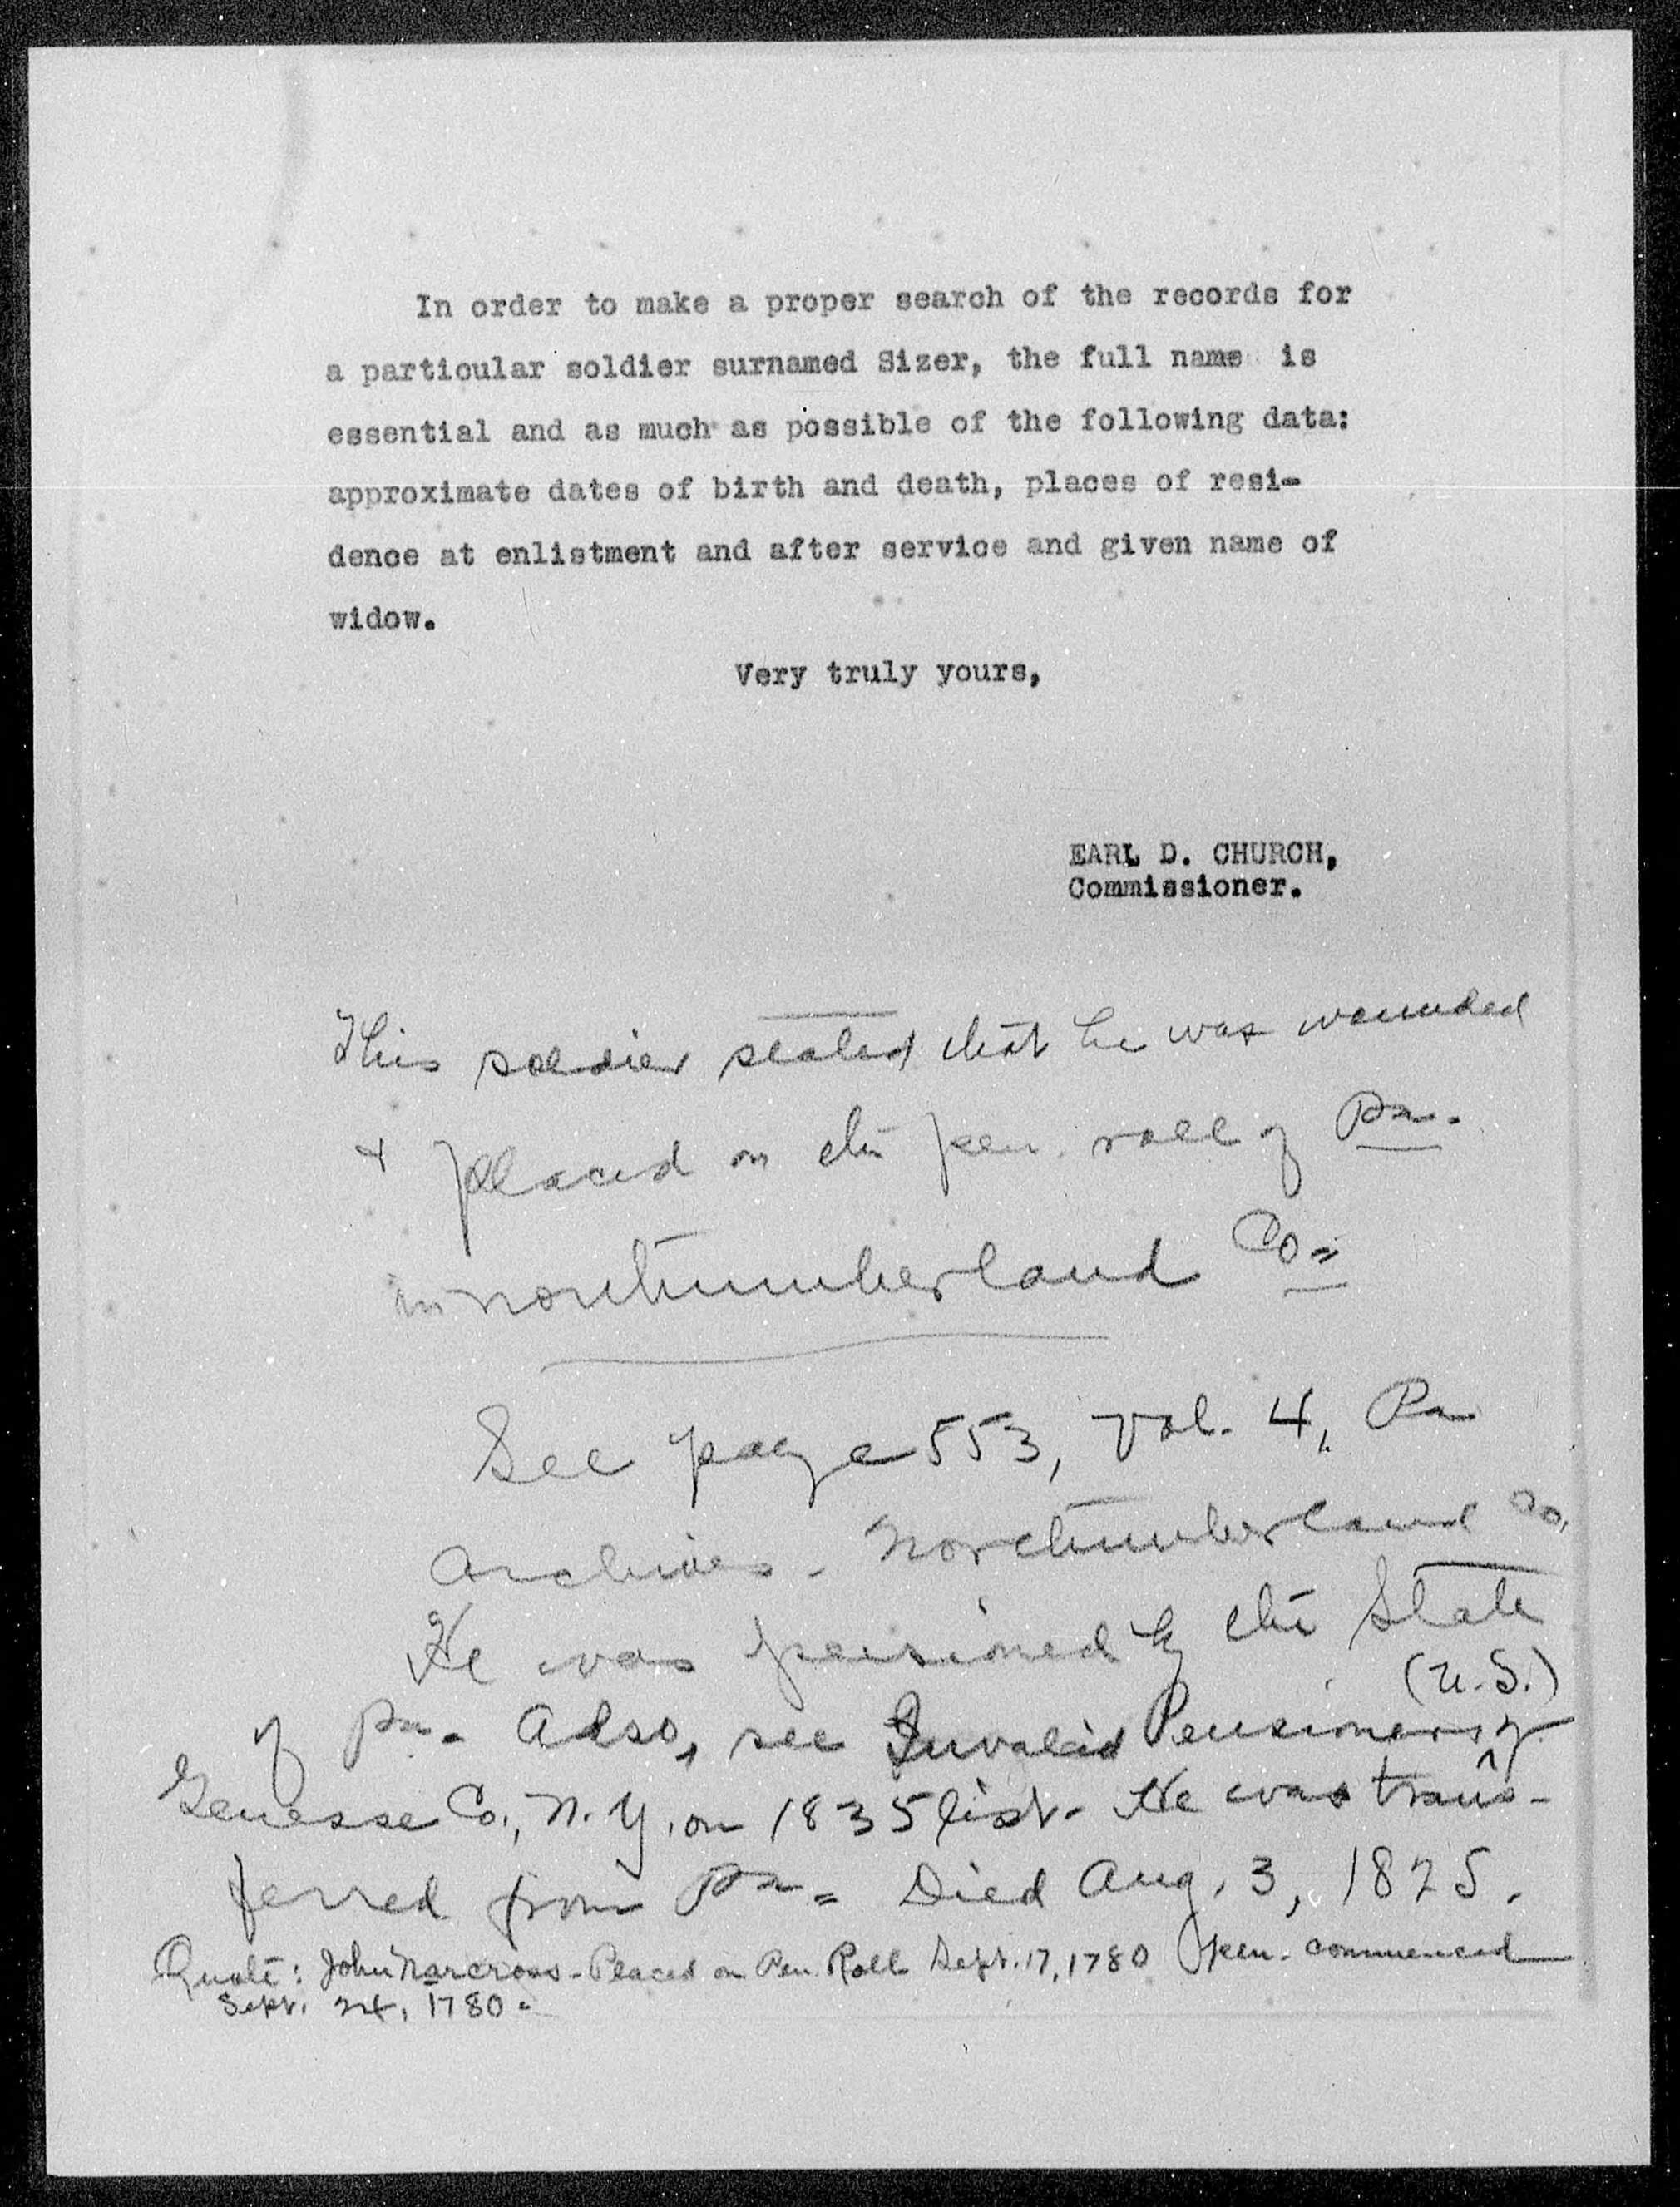In order to make a proper search of the records for
a particular soldier surnamed Sizer, the full name is
essential and as much as possible of the following data:
approximate dates of birth and death, places of residence
at enlistment and after service and given name of
widow.
Very truly yours,
Earl D. Church, Commissioner,
The soldier stated that he was wounded and placed on the [] roll of PA in Northumberland Co
See page 553, Vol. 4, PA Archives, Northumberland PA
He was pensioned by the State of PA.  Also, see Invalid Pension of Genesee Co NY on 1835 first he was transferred from PA.  Died Aug 3, 1825.  Rule:  John Norcross was placed on the PA Roll Sept 17, 1780.  Pen commenced Sept 24, 1780.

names: Earl D Church; John Norcross; [BLANK] Sizer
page: 11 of 23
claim: survivor's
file: S. 27257, for John Norcross, Pennsylvania